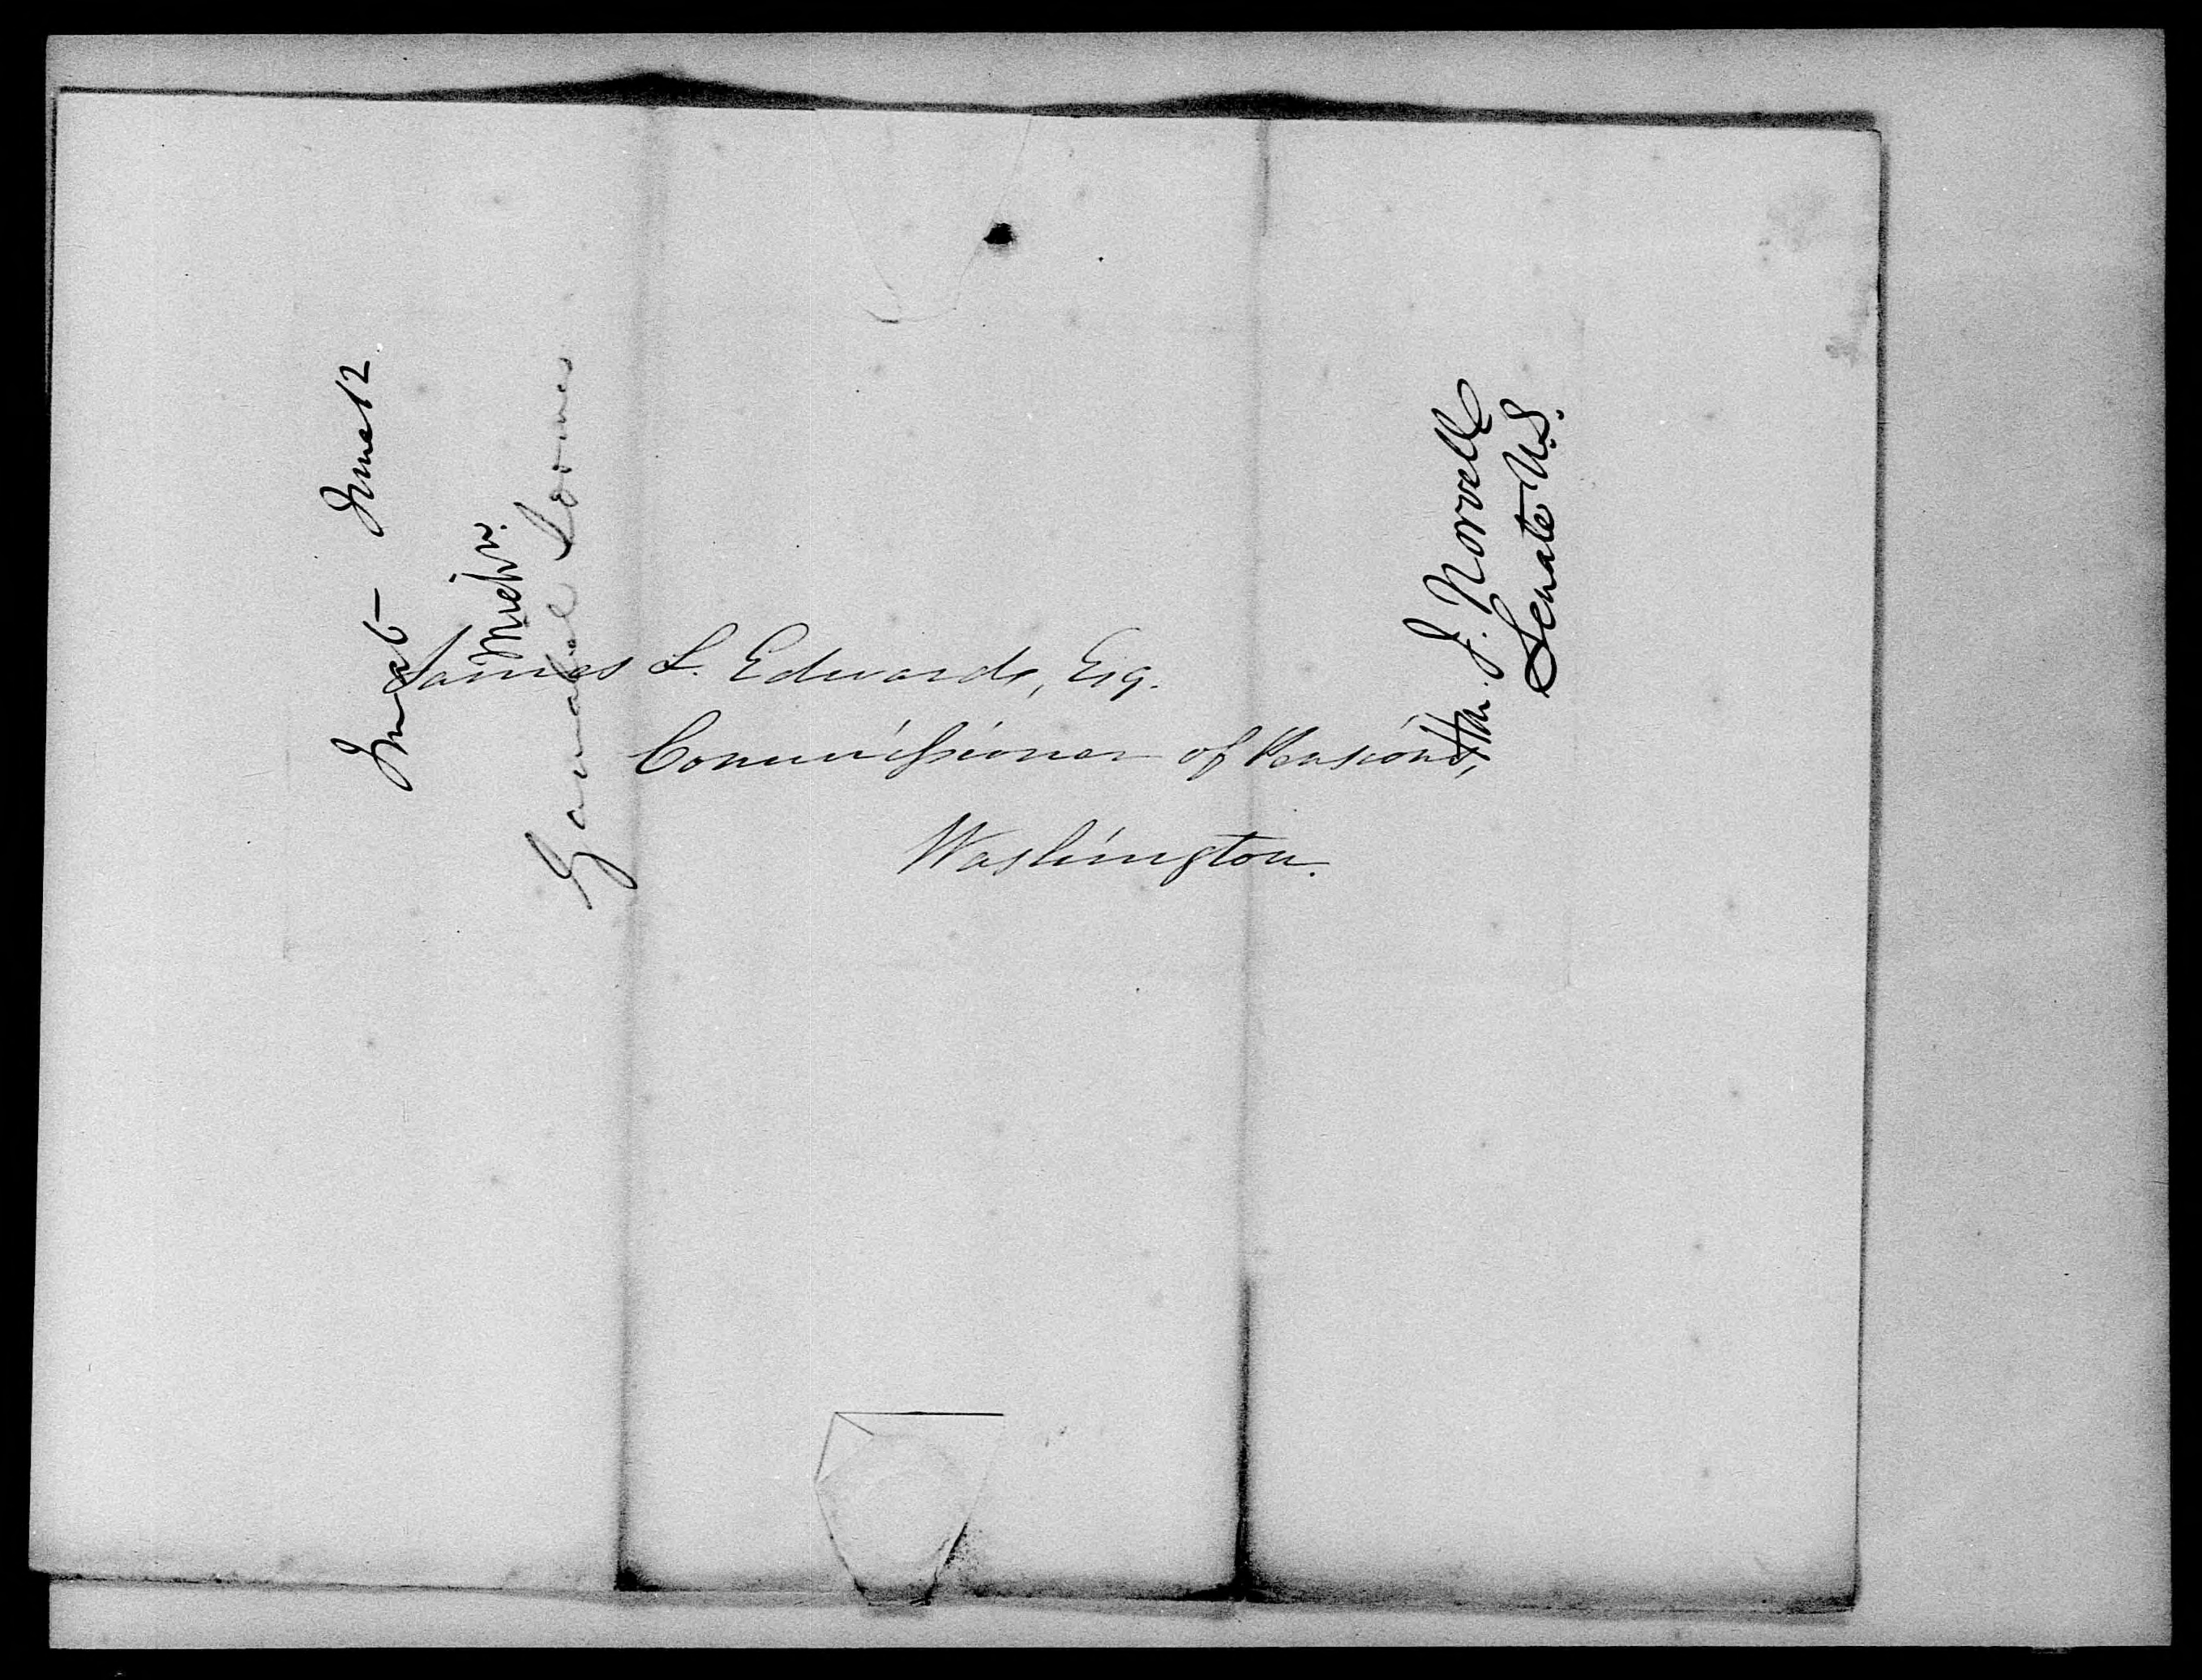James L. Edwards, Esq.
Commissioner of Pensions,
Washington

Imat June 12
Michn
Gamaliel Loomis

Hon J. Norvell
Senate U.S.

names: James L Edwards; Gamaliel Loomis; J Norvell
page: 20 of 21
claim: rejected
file: R. 6444, for Gamaliel Loomis, Connecticut